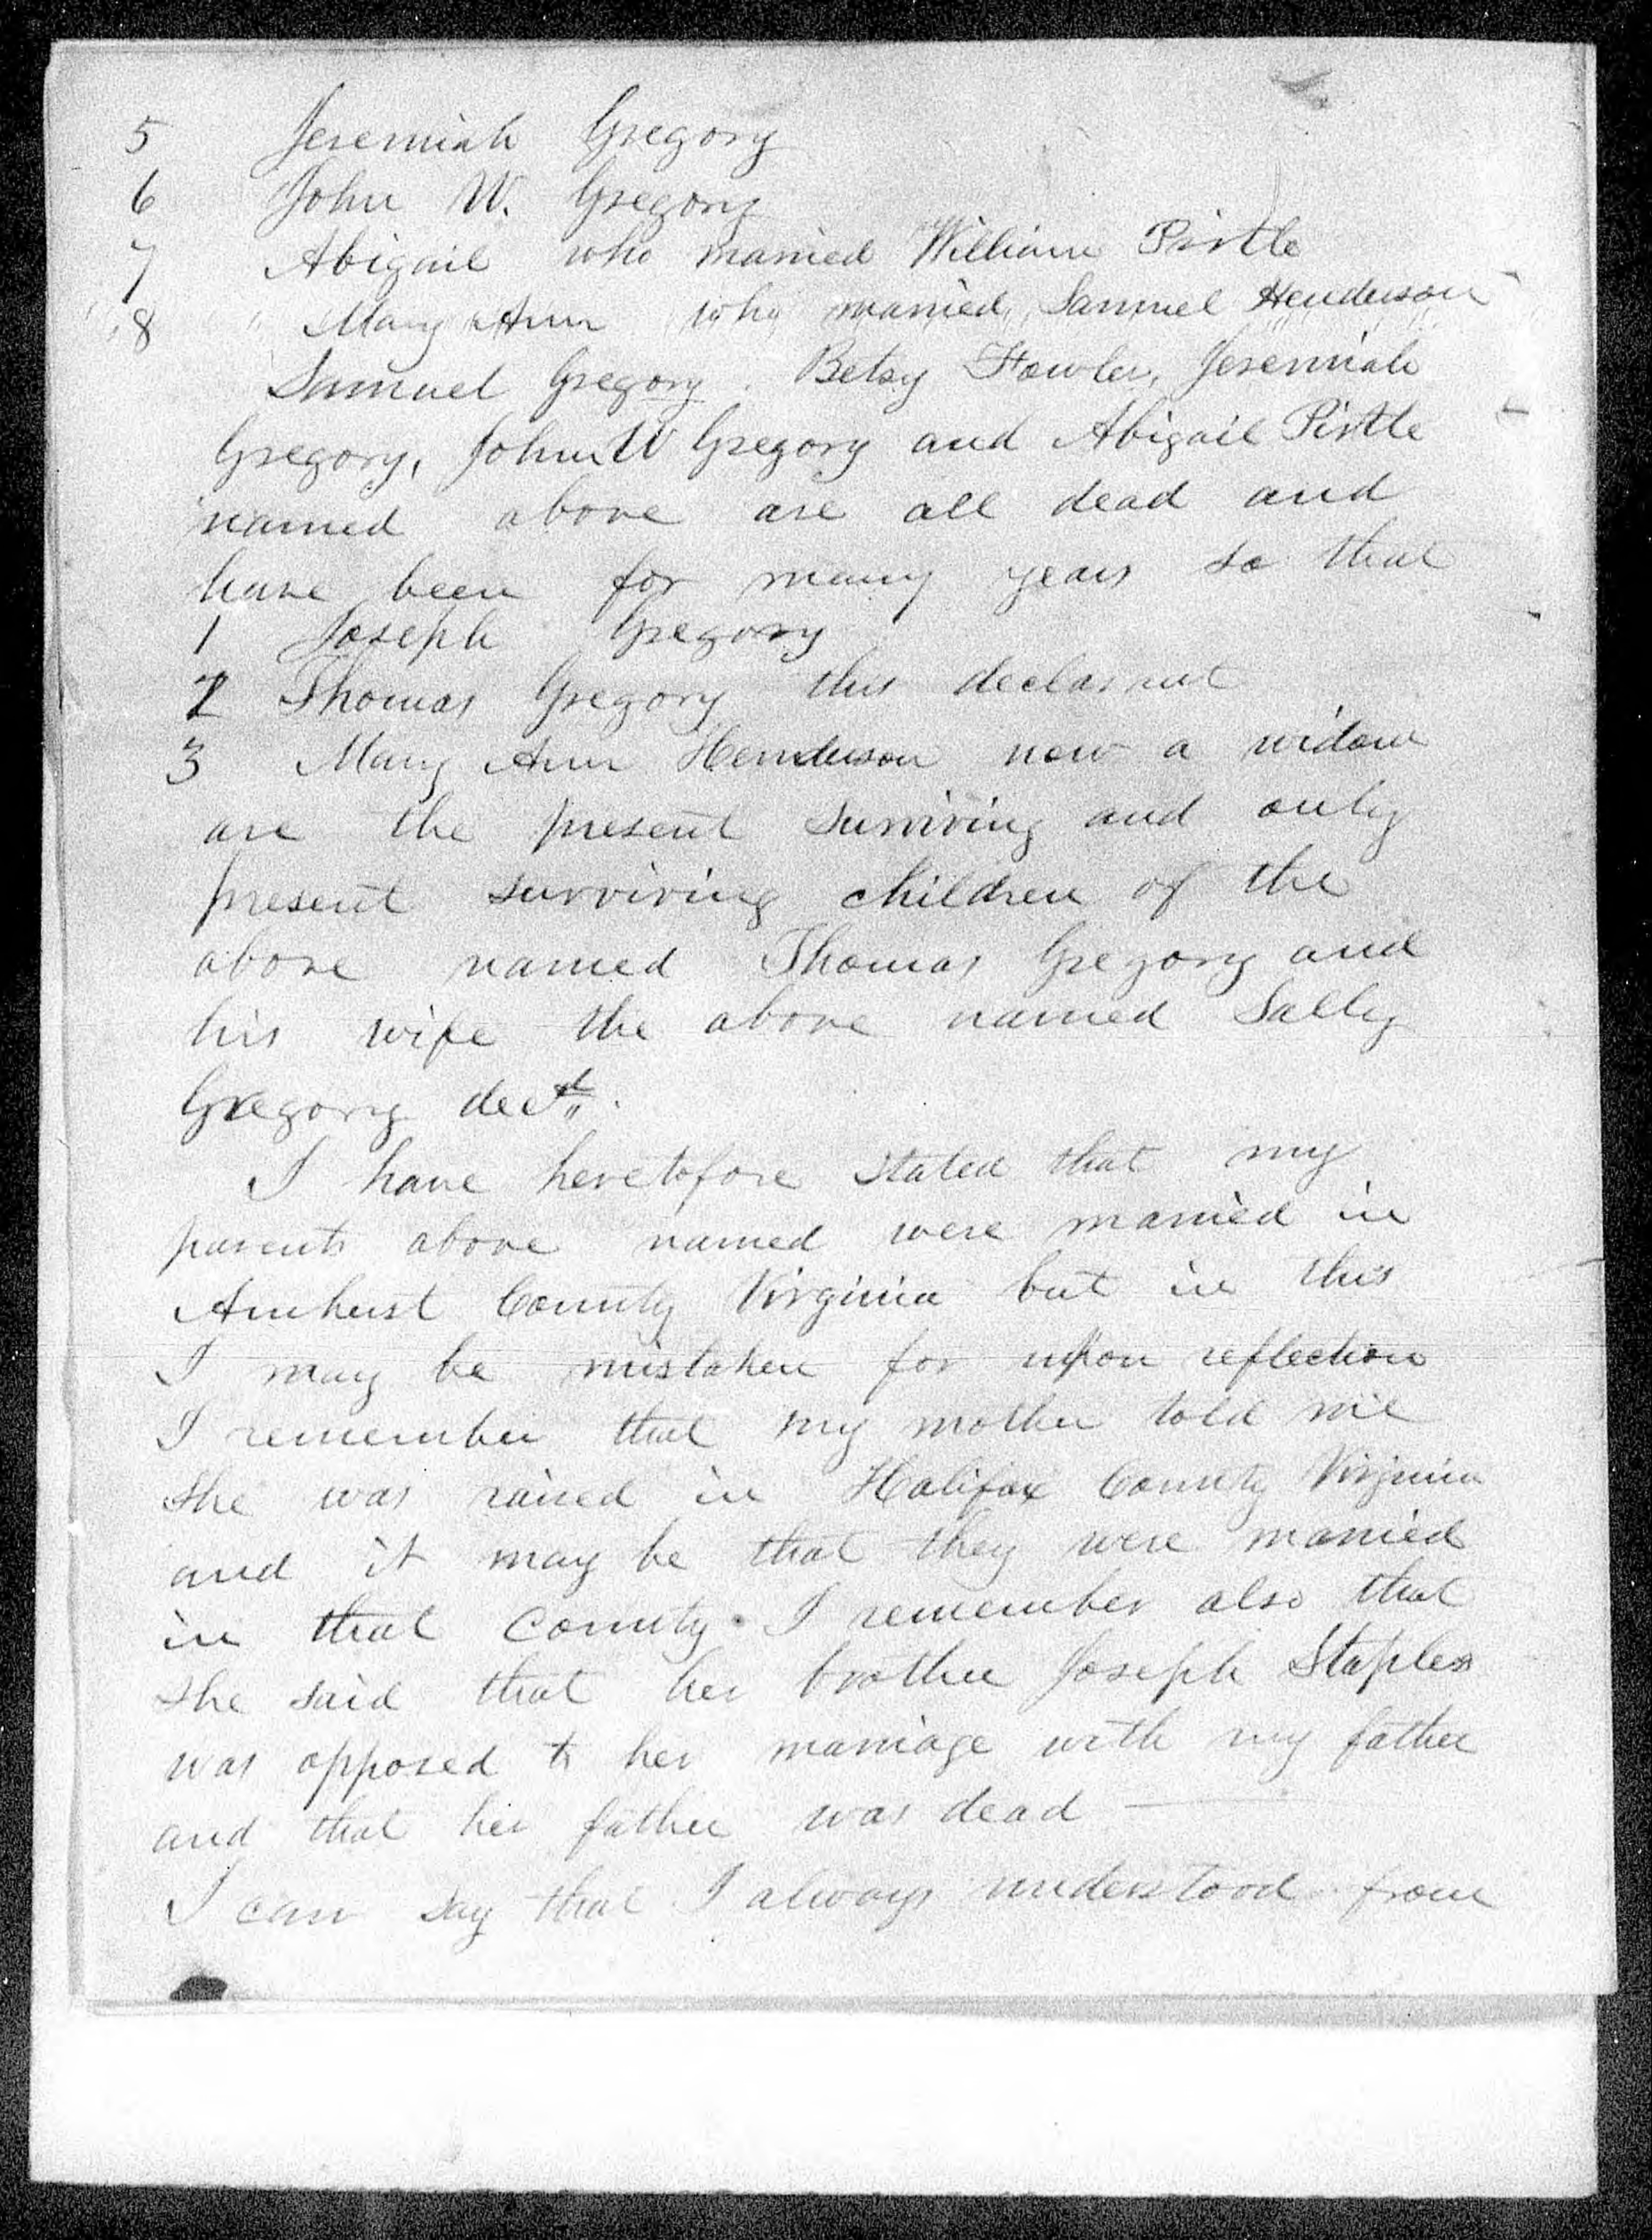5 Jeremiah Gregory
6  John W. Gregory
7  Abigail who married William Pirtle
8  Mary Ann who married Samuel Henderson
Samuel Gregory. Betsy Fowler, Jeremiah Gregory, John W Gregory and Abigail Pirtle named above are all dead and have been for many years so that 
1  Joseph Gregory
2  Thomas Gregory this declarant
3  Mary Ann Henderson now a widow
are the present surviving and only present surviving children of the above named Thomas Gregory and his wife the above named Sally Gregory dec'd.
I have heretofore stated that my parents above named were married in Amherst County Virginia but in this I may be mistaken for upon reflection I remember that my mother told me she was raised in Halifax County Virginia and it may be that they were married in that county.  I remember also that she said that her brother Joseph Staples was opposed to her marriage with my father and that his father was dead.
I can say that I always understood from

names: William Pirtle, Mary Ann, Abigail Pirtle, Jeremiah Gregory, Mary Ann Henderson, John W Gregory, Sally Gregory, Samuel Gregory, Abigail Pirtle, Samuel Henderson, Thomas Gregory, Jeremiah Gregory, John W Gregory, Thomas Gregory, Betsy Fowler, Joseph Staples, Joseph Gregory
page: 56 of 75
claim: widow's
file: W. 8876, Thomas Gregory, Continental Va